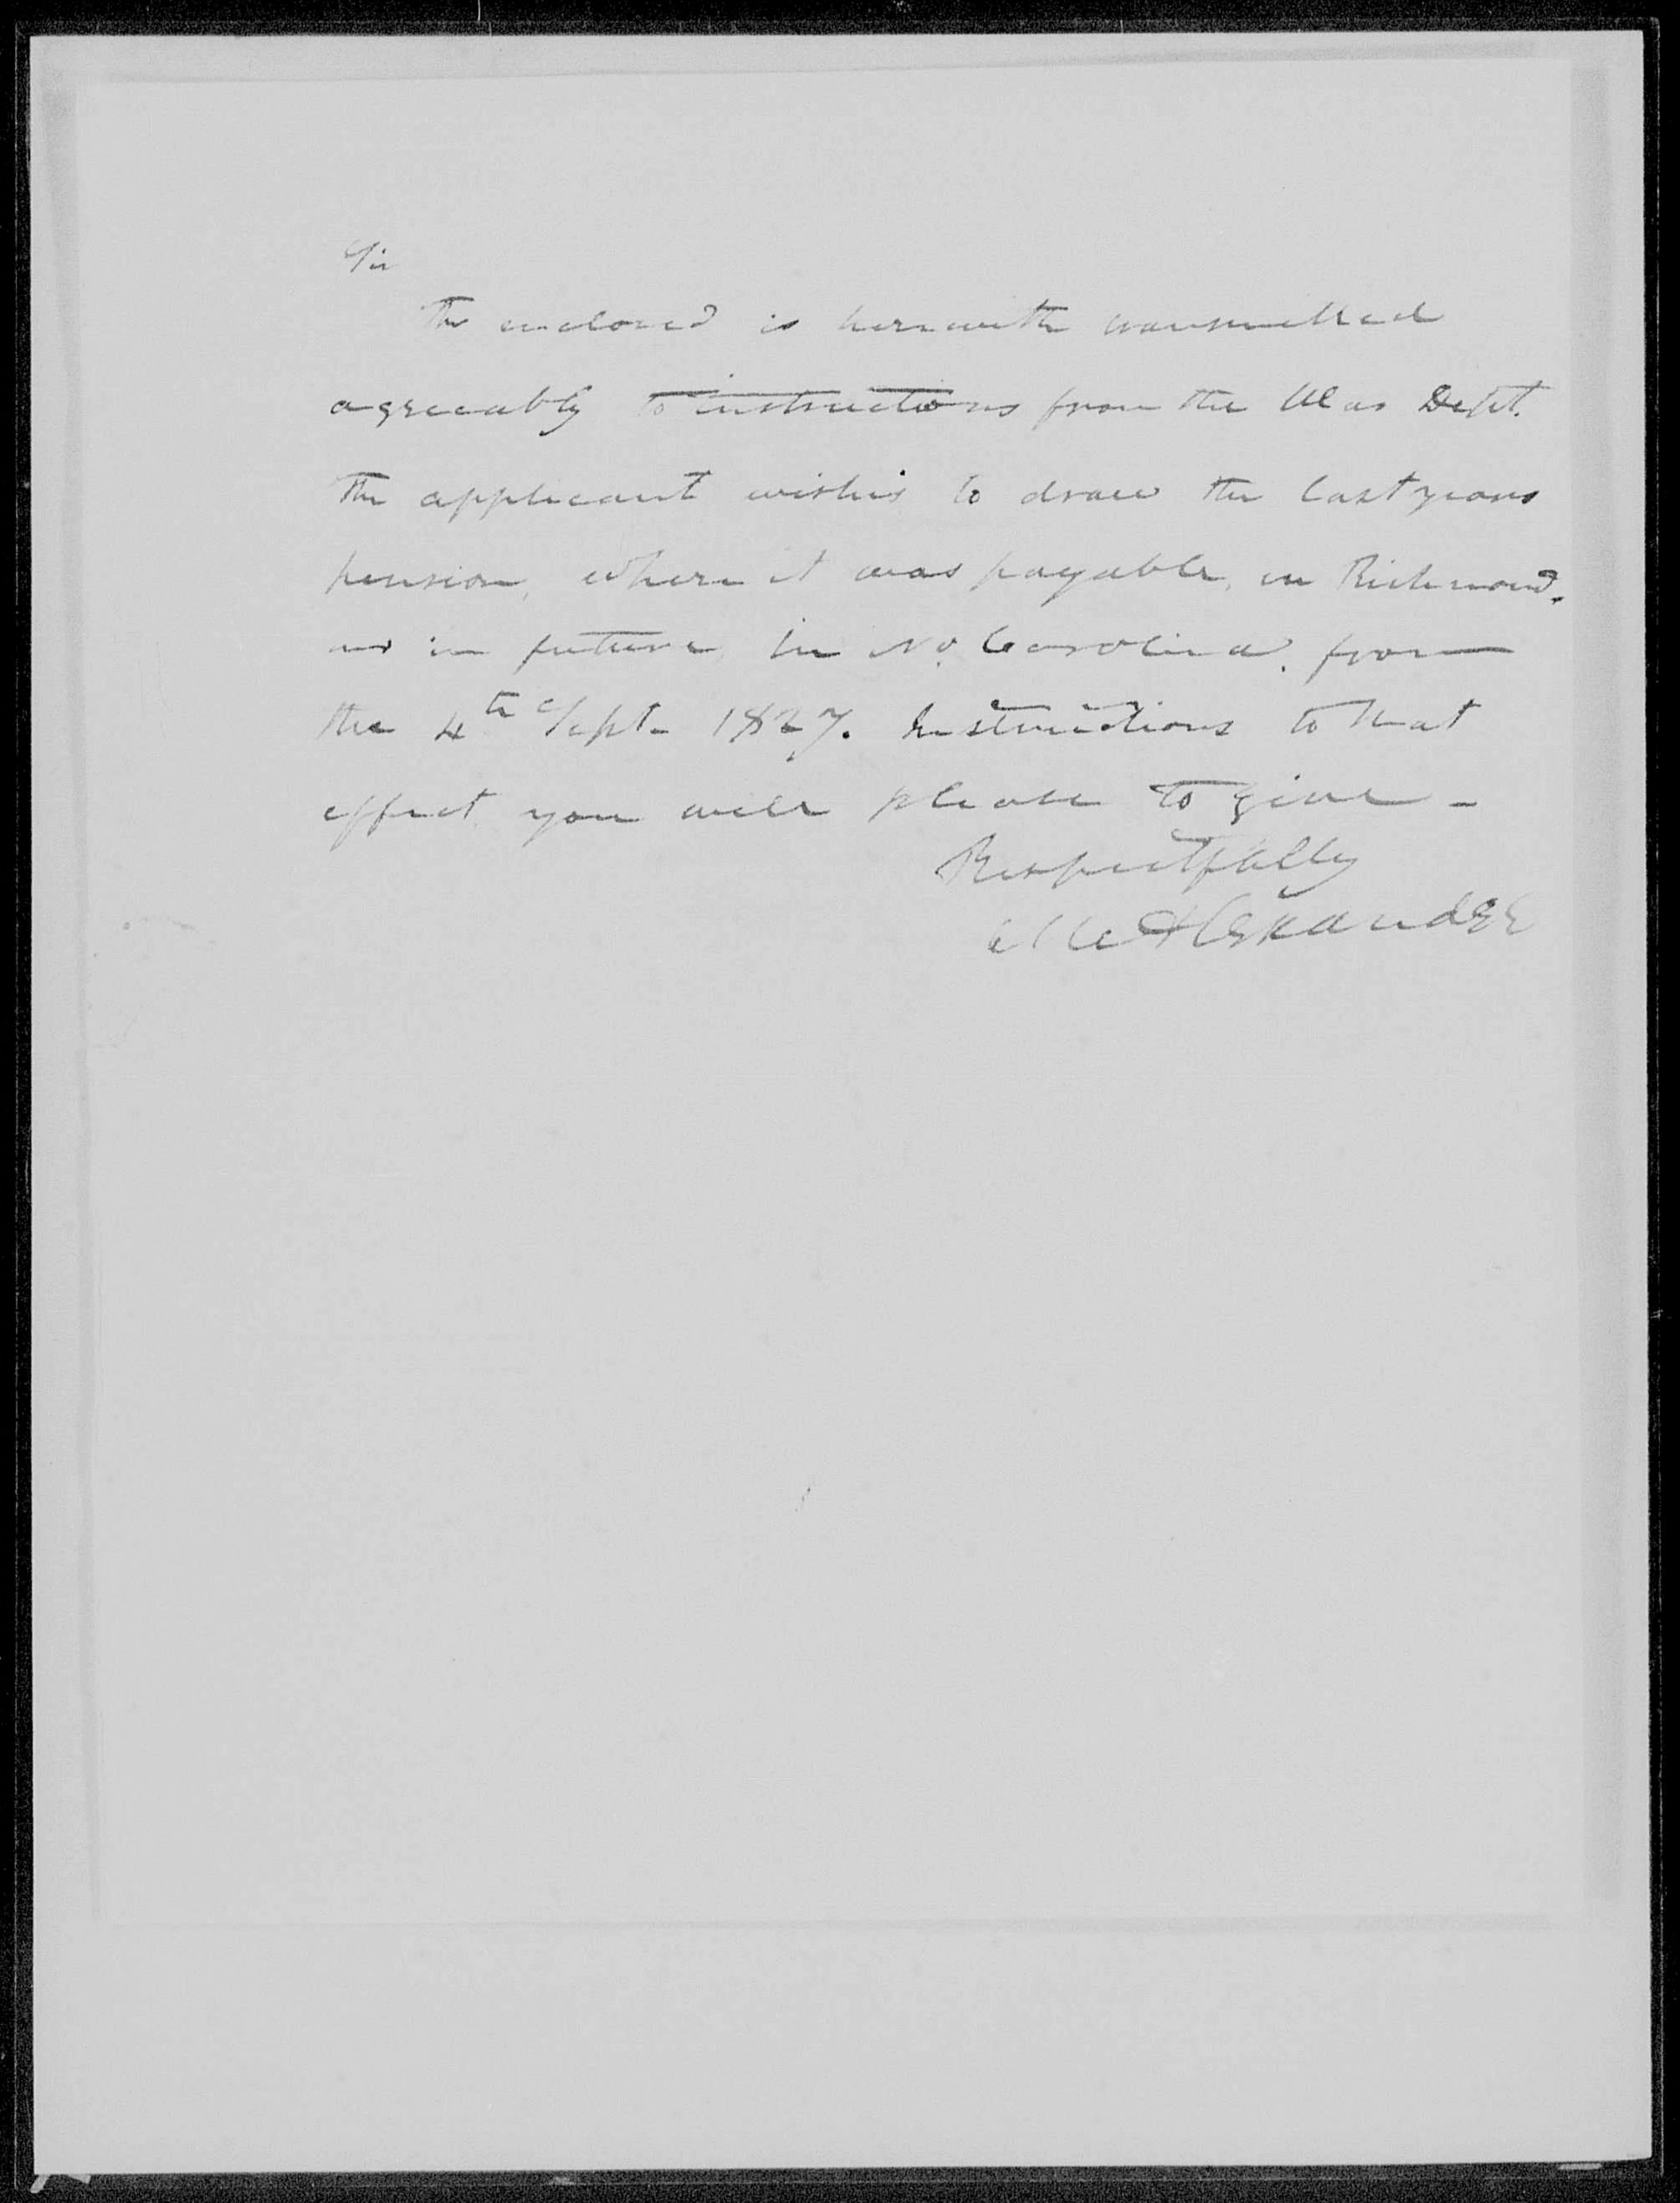Sir
The enclosed is herewith transmitted
agreeably to instructions from the War Dept.
The applicant wishes to draw the last years
pension, where it was payable in Richmond
and in future, in No Carolina, from
the 4th Sept 1827. Instructions to that
effect you will please to give-
Respectfully
[M] Alexander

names: Alexander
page: 12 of 17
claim: survivor's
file: S. 42053, William Ward, Ga.